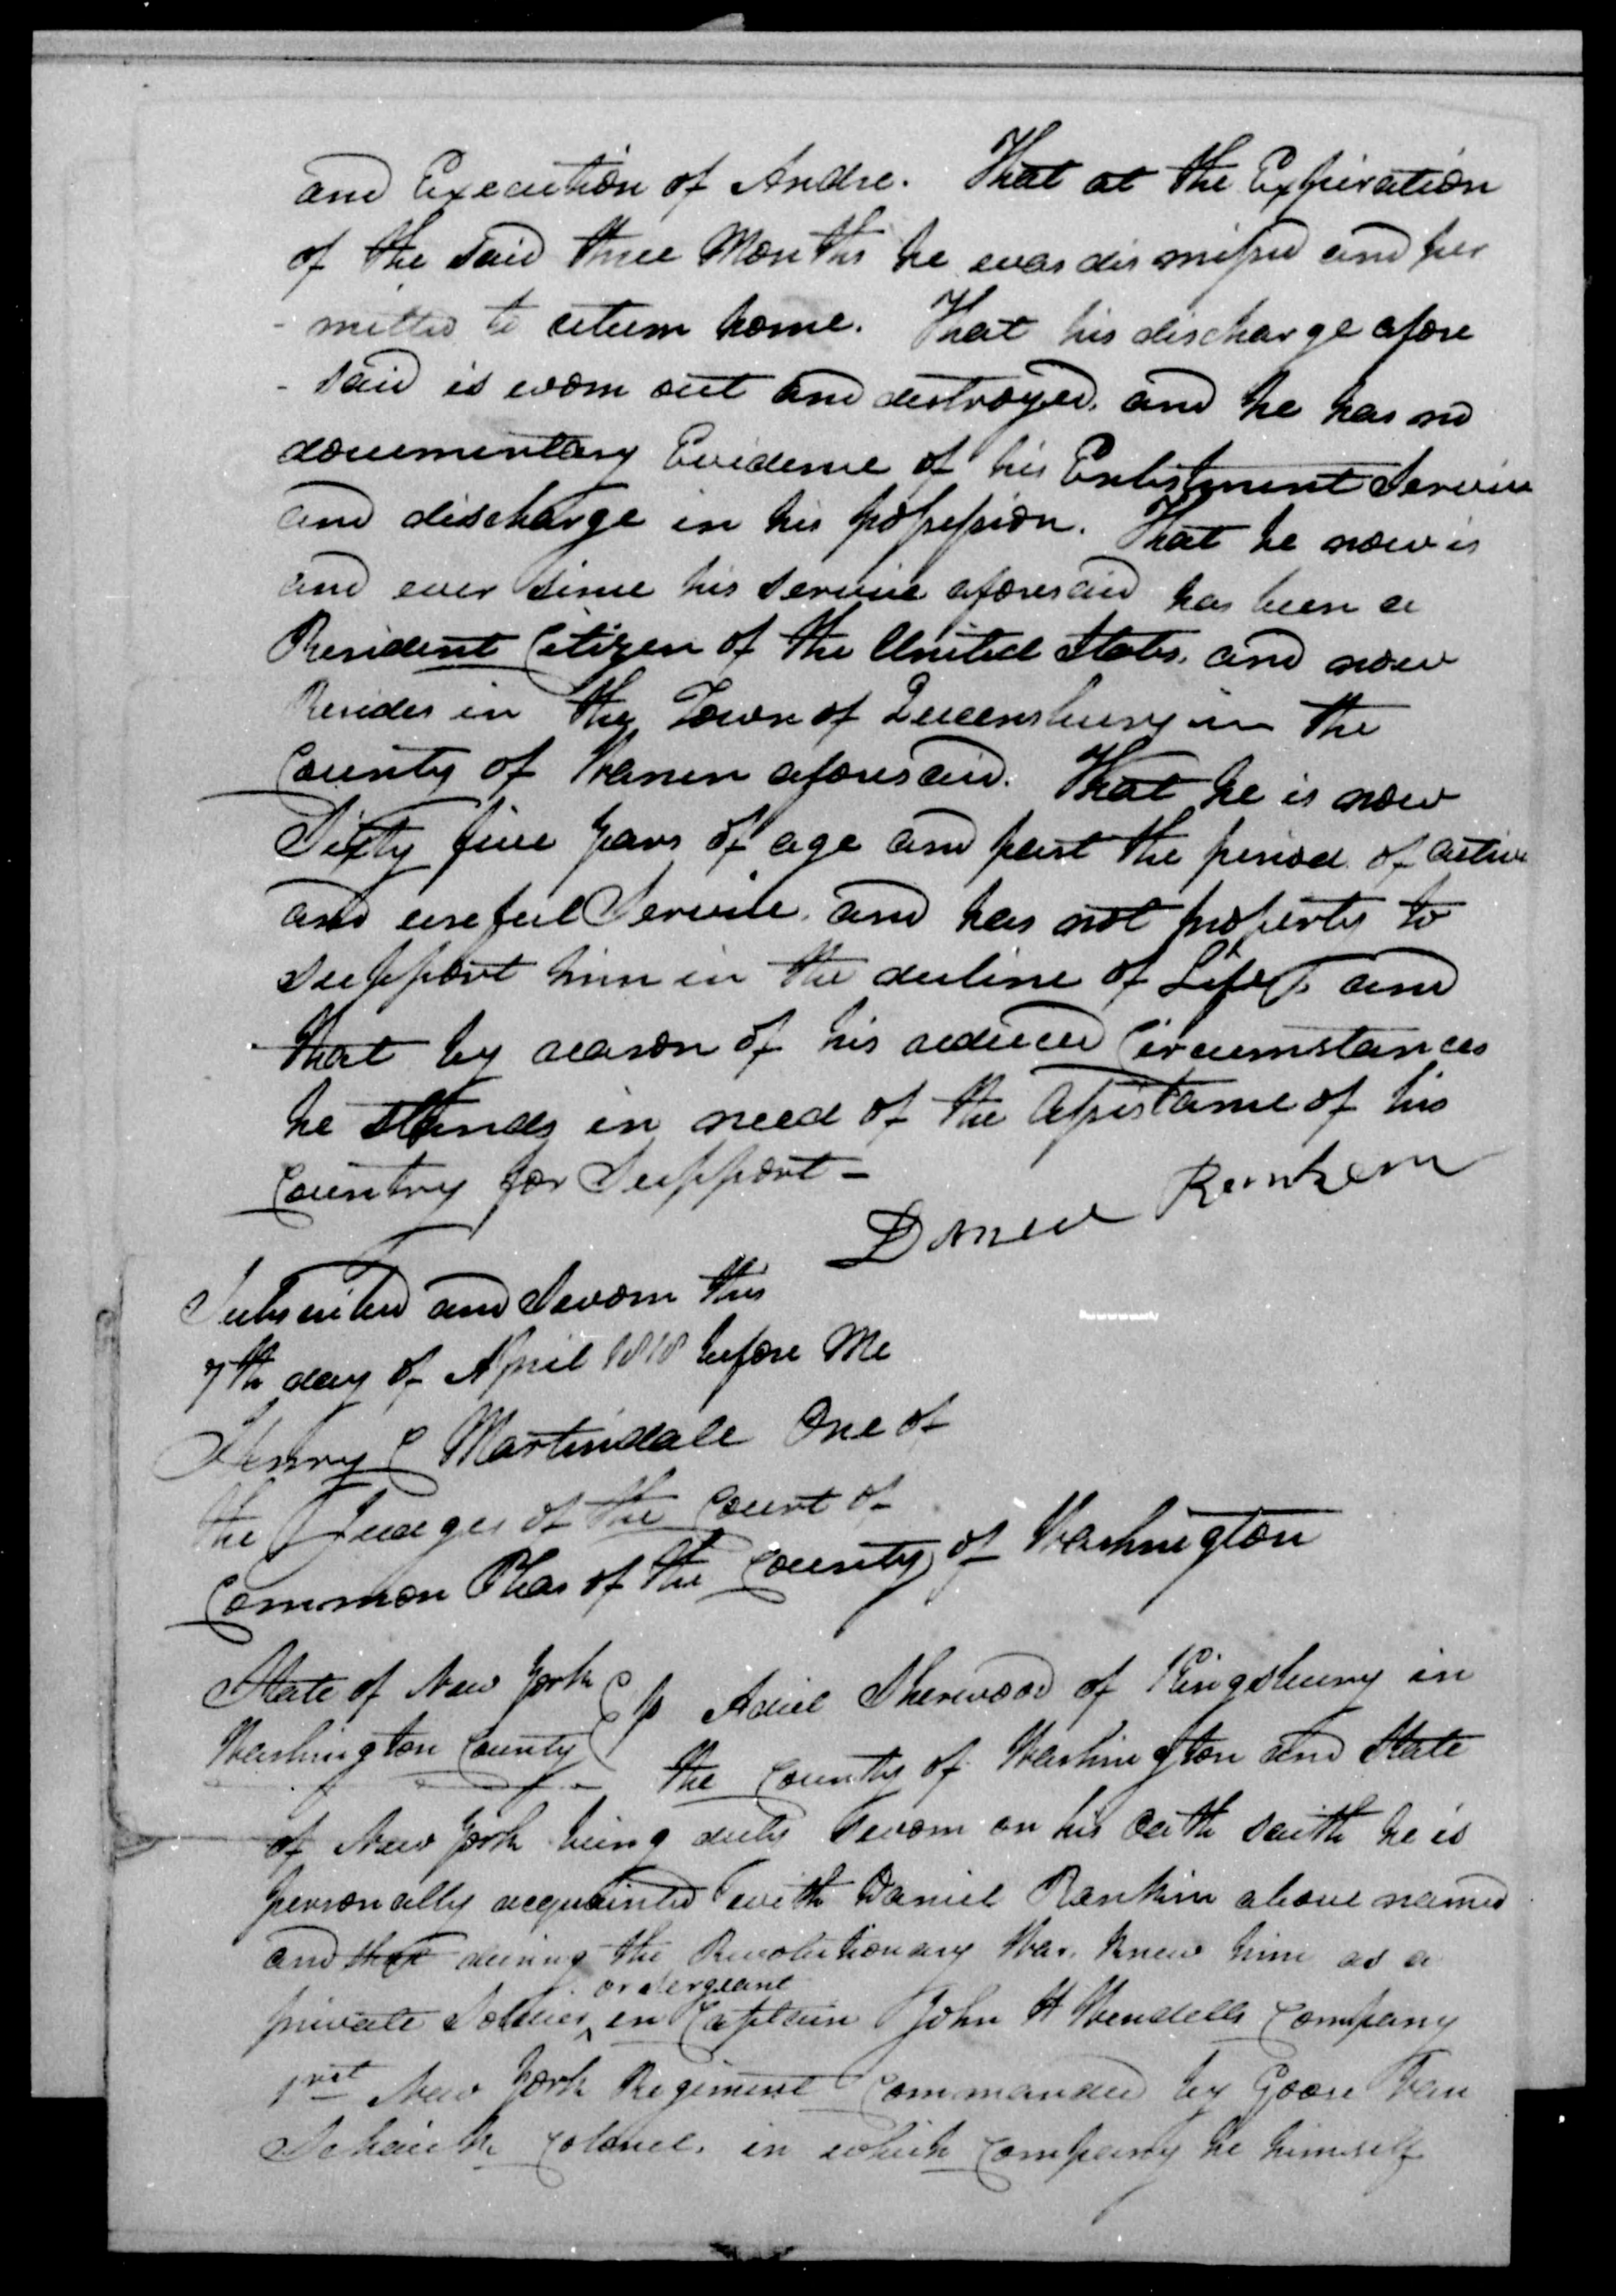and execution of Andre. That at the expiration of the said three months he was dismissed and permitted to return home. That his discharge aforesaid is worn out and destroyed, and he has no documentary evidence of his enlistment services and ever since his service aforesaid has been a resident citizen of the United States, and now resides in the Town of Queensbury in the County of Warren aforesaid. That he is now sixty five years of age and part of the period of active and useful service and has not property to support him in the decline of life, and that be reason of his reduce circumstances he stands in need of the assistance of his country for support.
Daniel Rankin

Subscribed and sworn this 7th day of April 1818 before me 
Henry C Martindale One of the Judges of the Court of Common Pleas of the County of Washington

State of New York Washington County SS
Adiel Sherwood of Kingsbury in the County of Washington and State of New York being duly sworn on his oath saith he is personally acquainted with Daniel Rankin above named and that during the Revolutionary War knew him as a private soldier or Sergeant in Captain John H Wendells Company 1st New York Regiment commanded by Goose Van Schaick Colonel in which company he himself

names: Adiel Sherwood; Daniel Rankin; Henry C Martindale; Daniel Rankin; John H Wendell; Goose Van Schaick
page: 8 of 27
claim: survivor's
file: S. 43897, for Daniel Rankin, New York